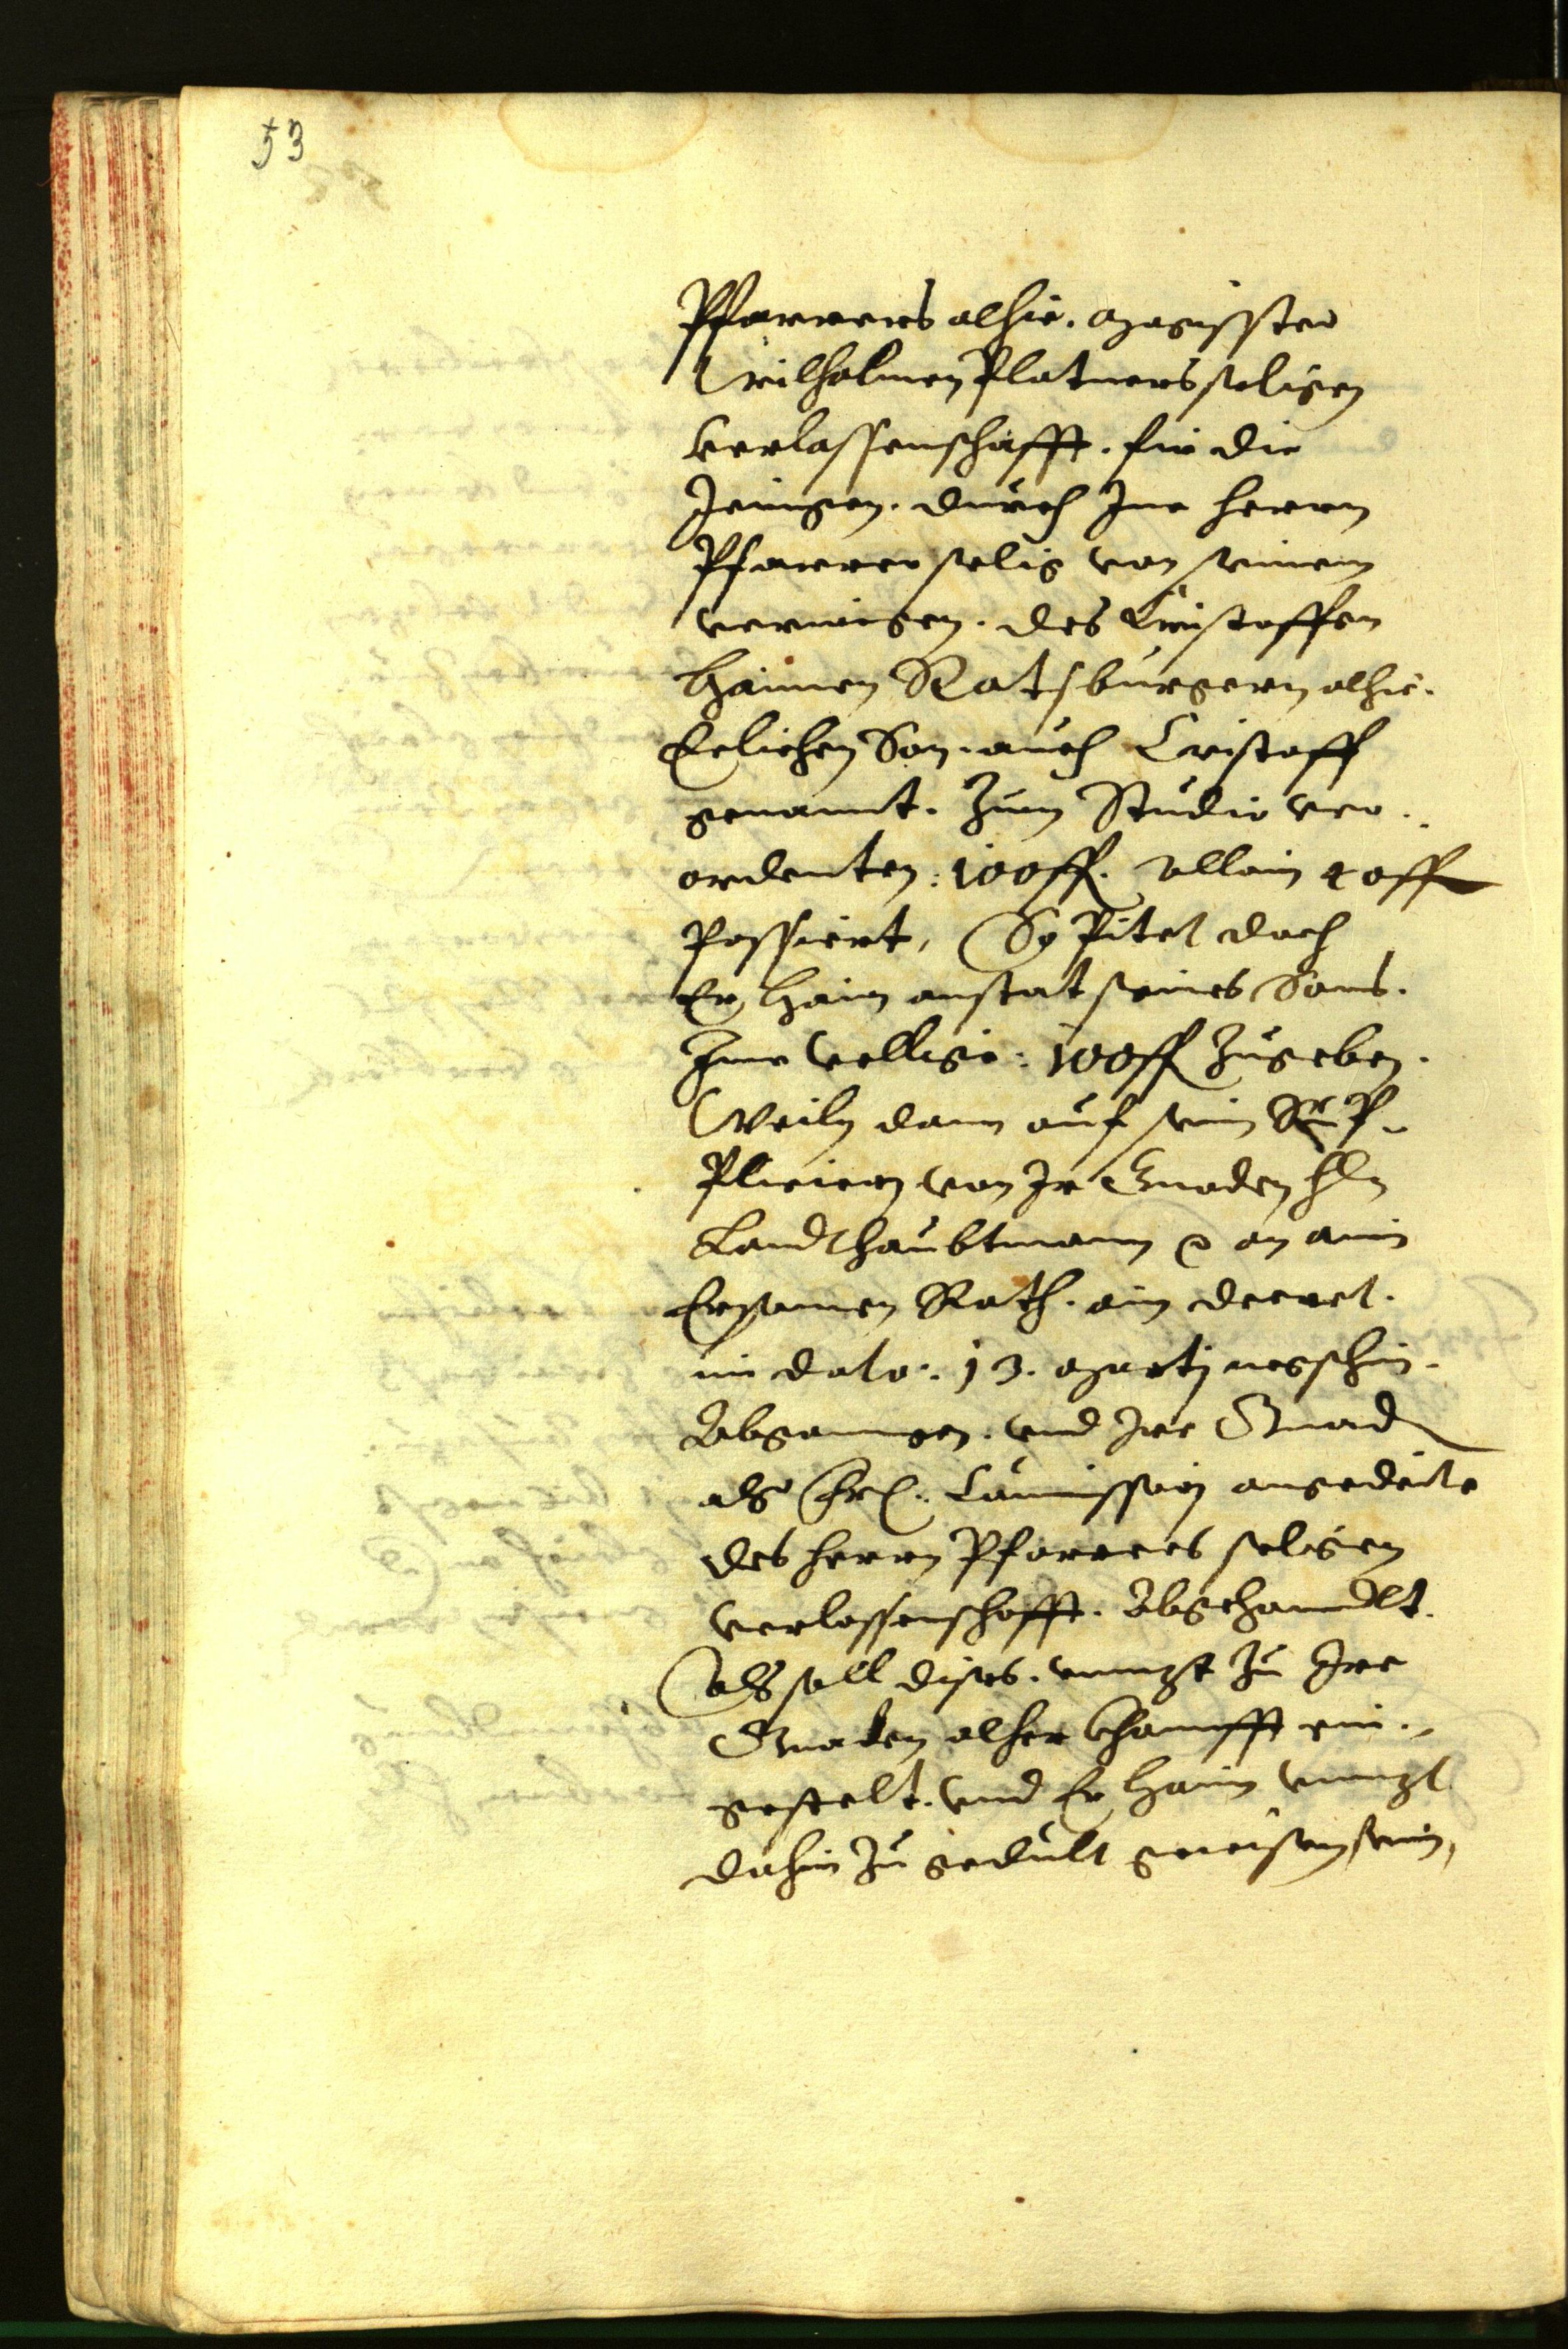53
Pfarrers alhie. Magisster
Wilhalmen Platners seligen
verlassenschafft. fir die
Jenigen. dūrch Ine herrn
Pfarrer selig von seinem
vermigen. des Cristoffen
Haimen Ratsbūrgern alhie
Eelichen Son. aūch Cristoff
genannt. Zūm Stūdir ver¬
ordneten: 100 fl. Allain 40 fl
Possiert, So pitet doch
Er Haim anstat seines Sons.
Ime vellige: 100 fl Zūgeben.
Weiln dann aūf sein SūP¬
Plicieren von Ir Gnaden hln
Landthaūbtmann etc an ain
Ersamen Rath. ain decret.
in dato: 13. Martj negsthin.
Abganngen. vnd Ire Gnad
als Frl: Commission angedeite
des herrn Pfarrers seligen
verlassenschafft. Abgehanndlt.
Als soll dises. vnnzt Zū Ire
Gnaden alher khonnfft ein¬
gestelt. vnd Er Haim vnnzt
dahin Zū gedūlt gewisen sein.